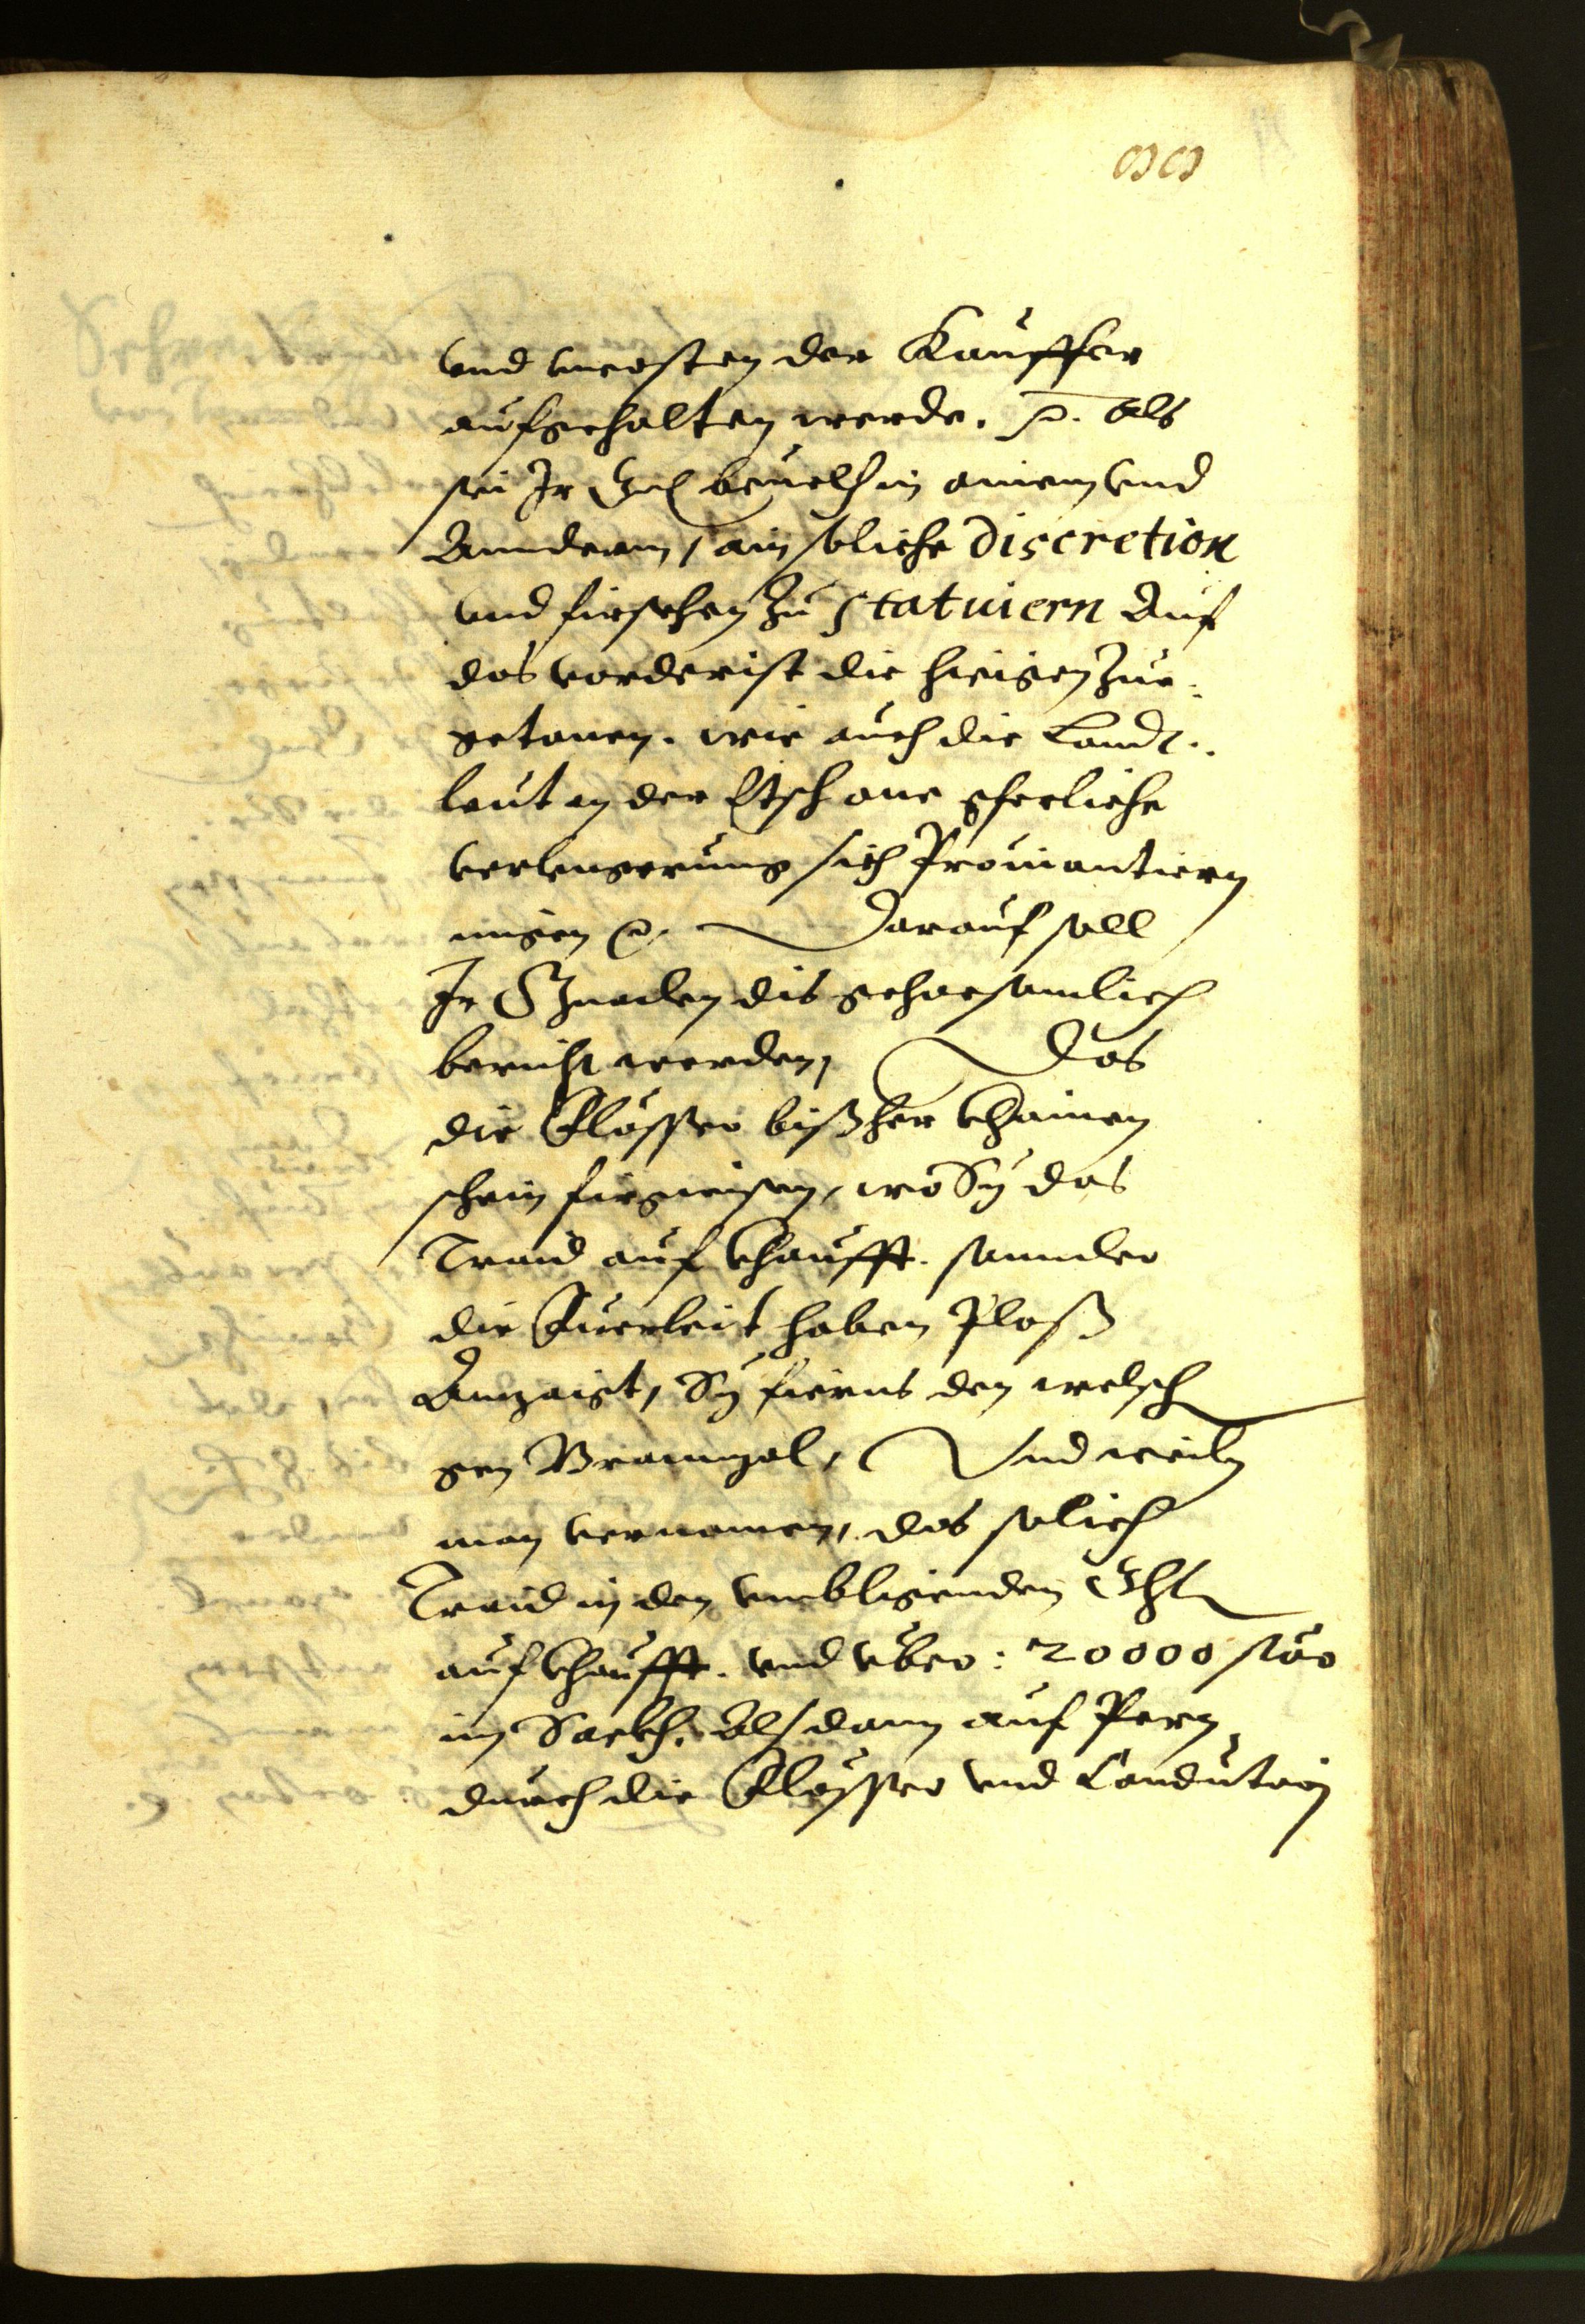88
vnd vncosten der Kaūffer
aūfgehalten werde. etc. Als
sei Ir Gn beūelh in ainem vnd
Annderm, ain soliche discretion
vnd firsehen Zū statuiern Aūf
das vorderist die hieigen Zūe¬
getanen. wie aūch die Landt¬
leūten der Etsch one gferliche
verlengerūng sich Poviantiern
migen etc. Daraūf soll
Ir Gnaden dis gehorsamlich
bericht werden, Das
die Flōsser bißher khainen
schien firgwisen, wo Sȳ das
Traid aūfkhaūfft. sonnder
die Fūerleit haben Ploß
Anzaigt, Sȳ fierns den welsch
gen Brannzol, Vnd weiln
man vernomen, das solich
Traid in den vmbligenden Ght
aūfkhaūfft. vnd v̄ber 20000 stār
im Sackh. Alsdann aūf Pern
dūrch die Flōsser vnd Condūtorj